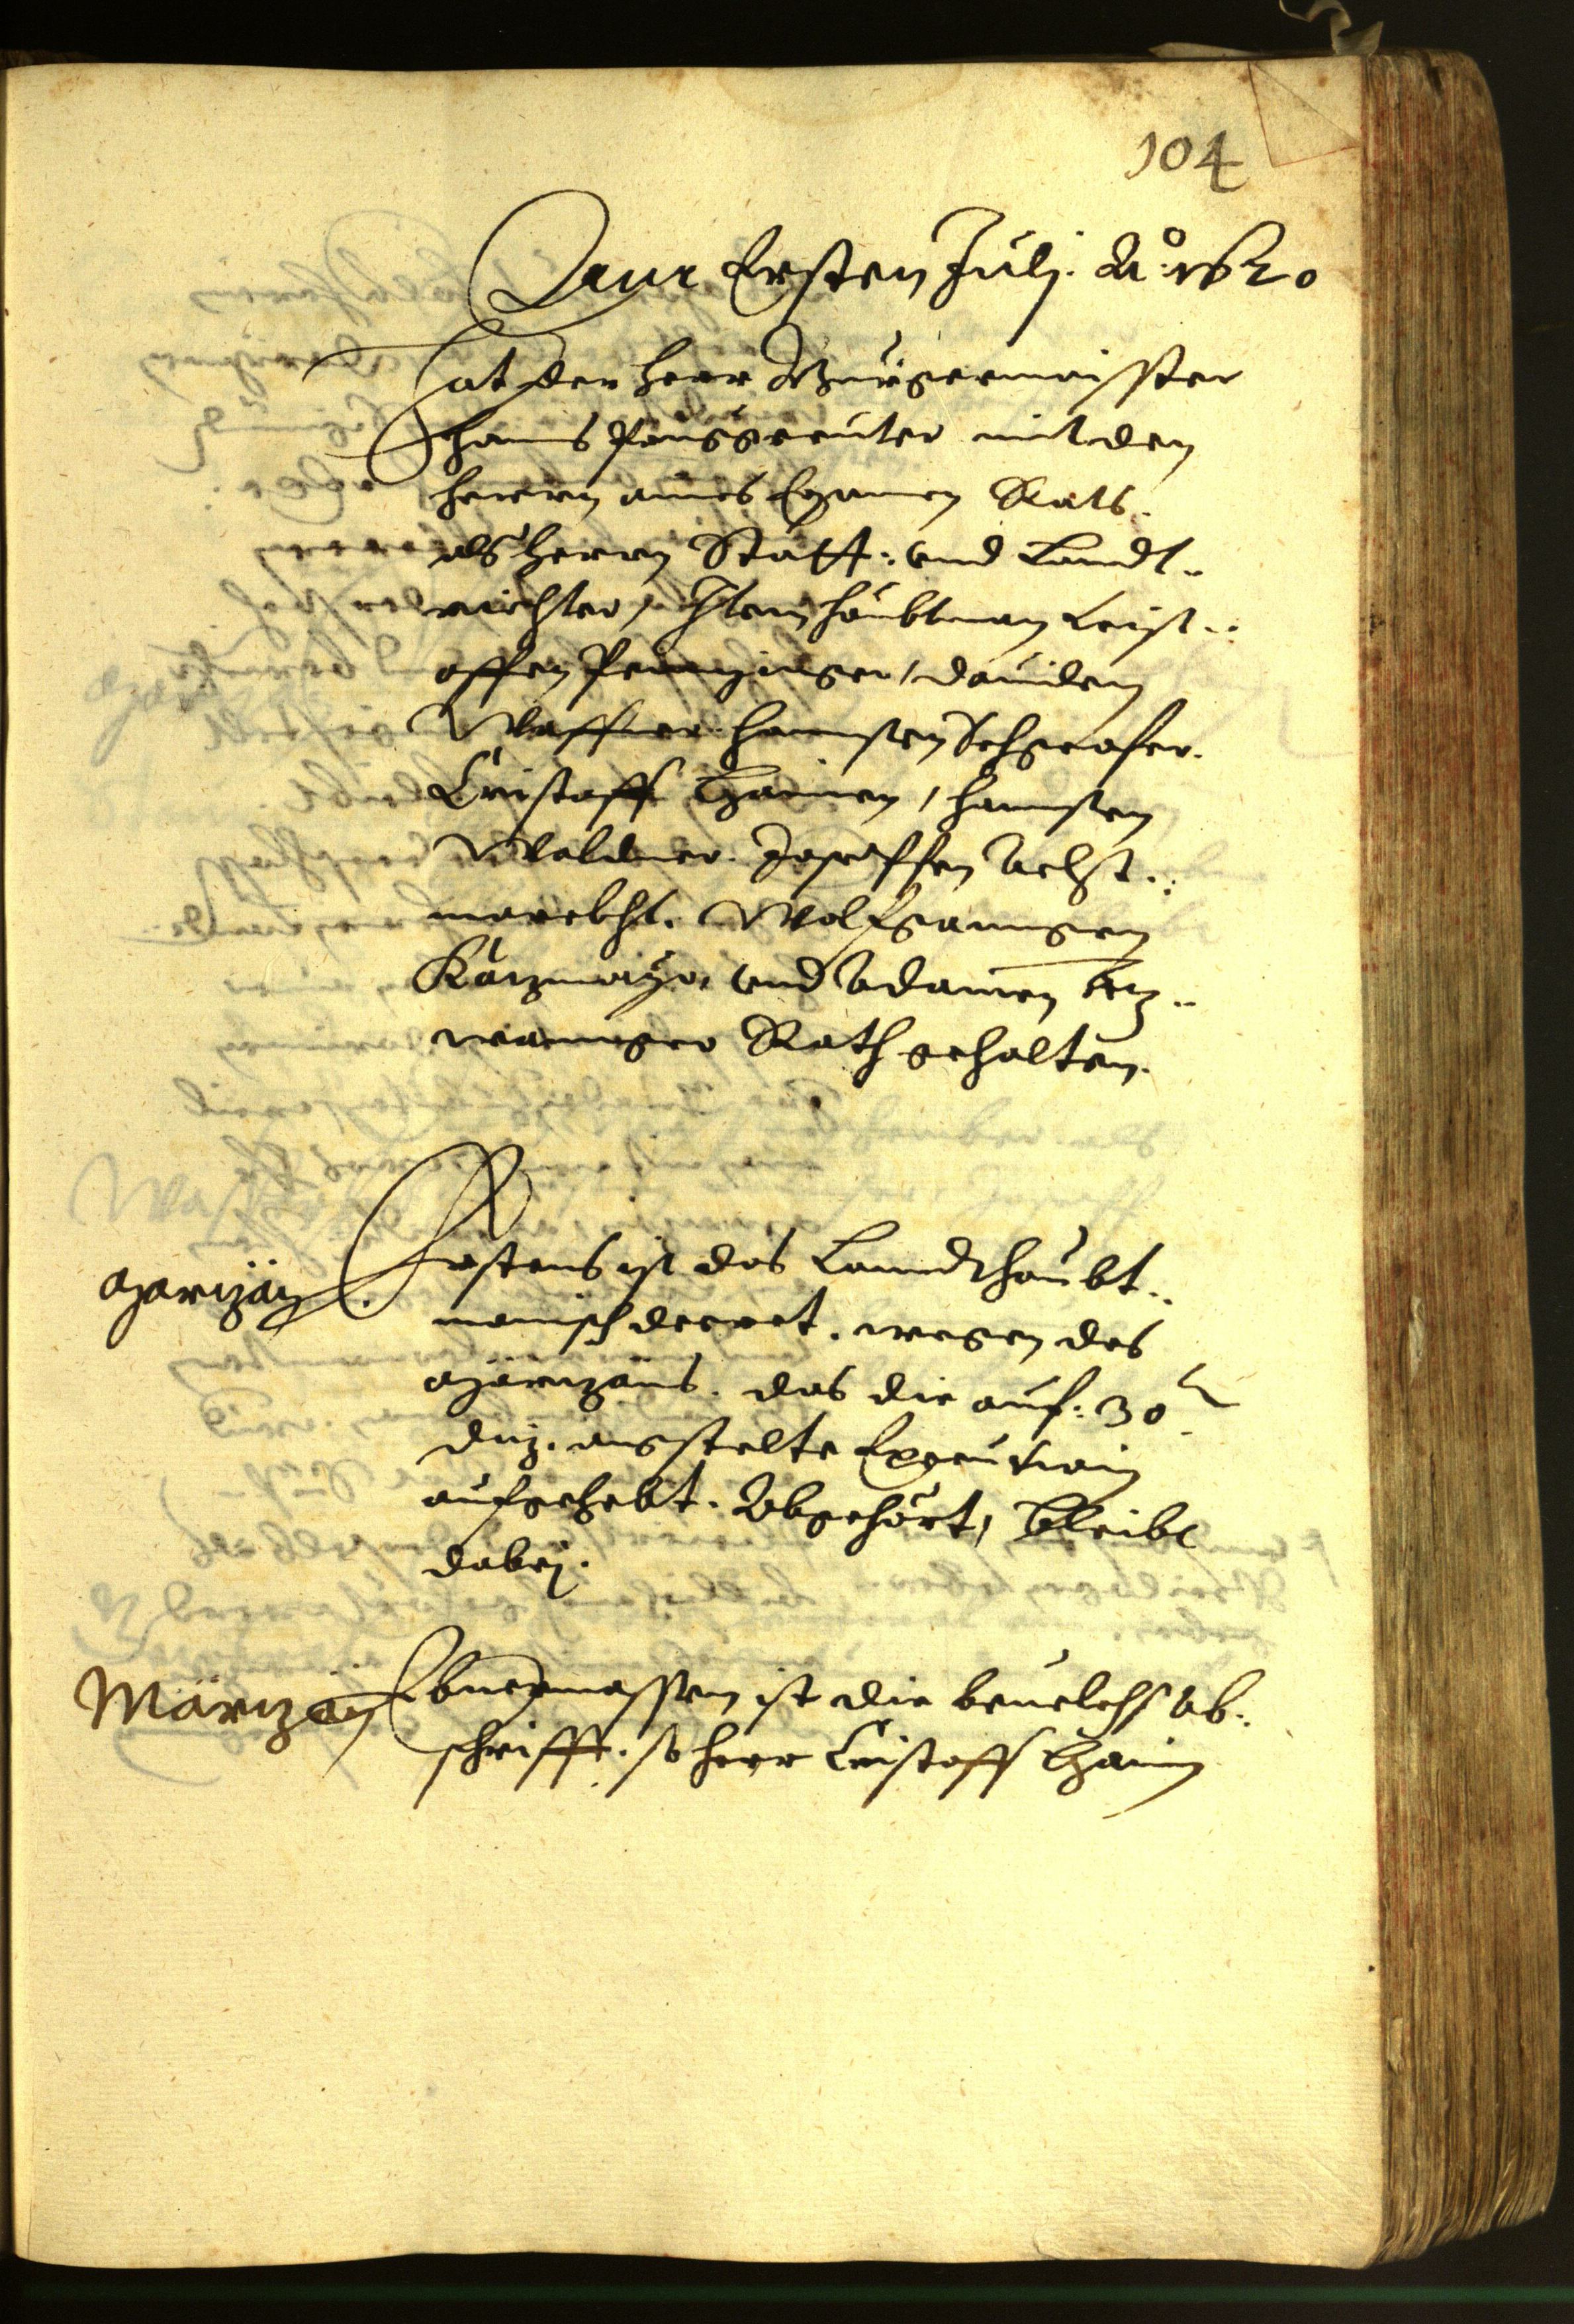104
Am Ersten Jūlj Ao. 1620
Hat der herr Būrgermaisster
Hanns Prūggreūter mit den
herrn aines Ersamen Rats.
als Herrn Statt: vnd Landt¬
richter, Item haūbtman Crist¬
offen Penntzinger, Daūiden
Waffner. hannsen Schgrafer.
Cristoff Haimen, hannsen
Waldner. Joseffen Acht¬
marckht. Wolfganngen
Kazmayr, vnd Adamen Az¬
wannger Rath gehalten.
Erstens ist das Lanndthaūbt¬
manisch decret. wegen des
Märzäns. das die aūf: 30.t
diz. angstelte Execūtion
aūfgehebt. Abgehōrt, bleibt
dabej.
Marzän.
Ebnermassen ist die beūelchs Ab¬
schrifft. so herr Cristoff Haim
Märzän